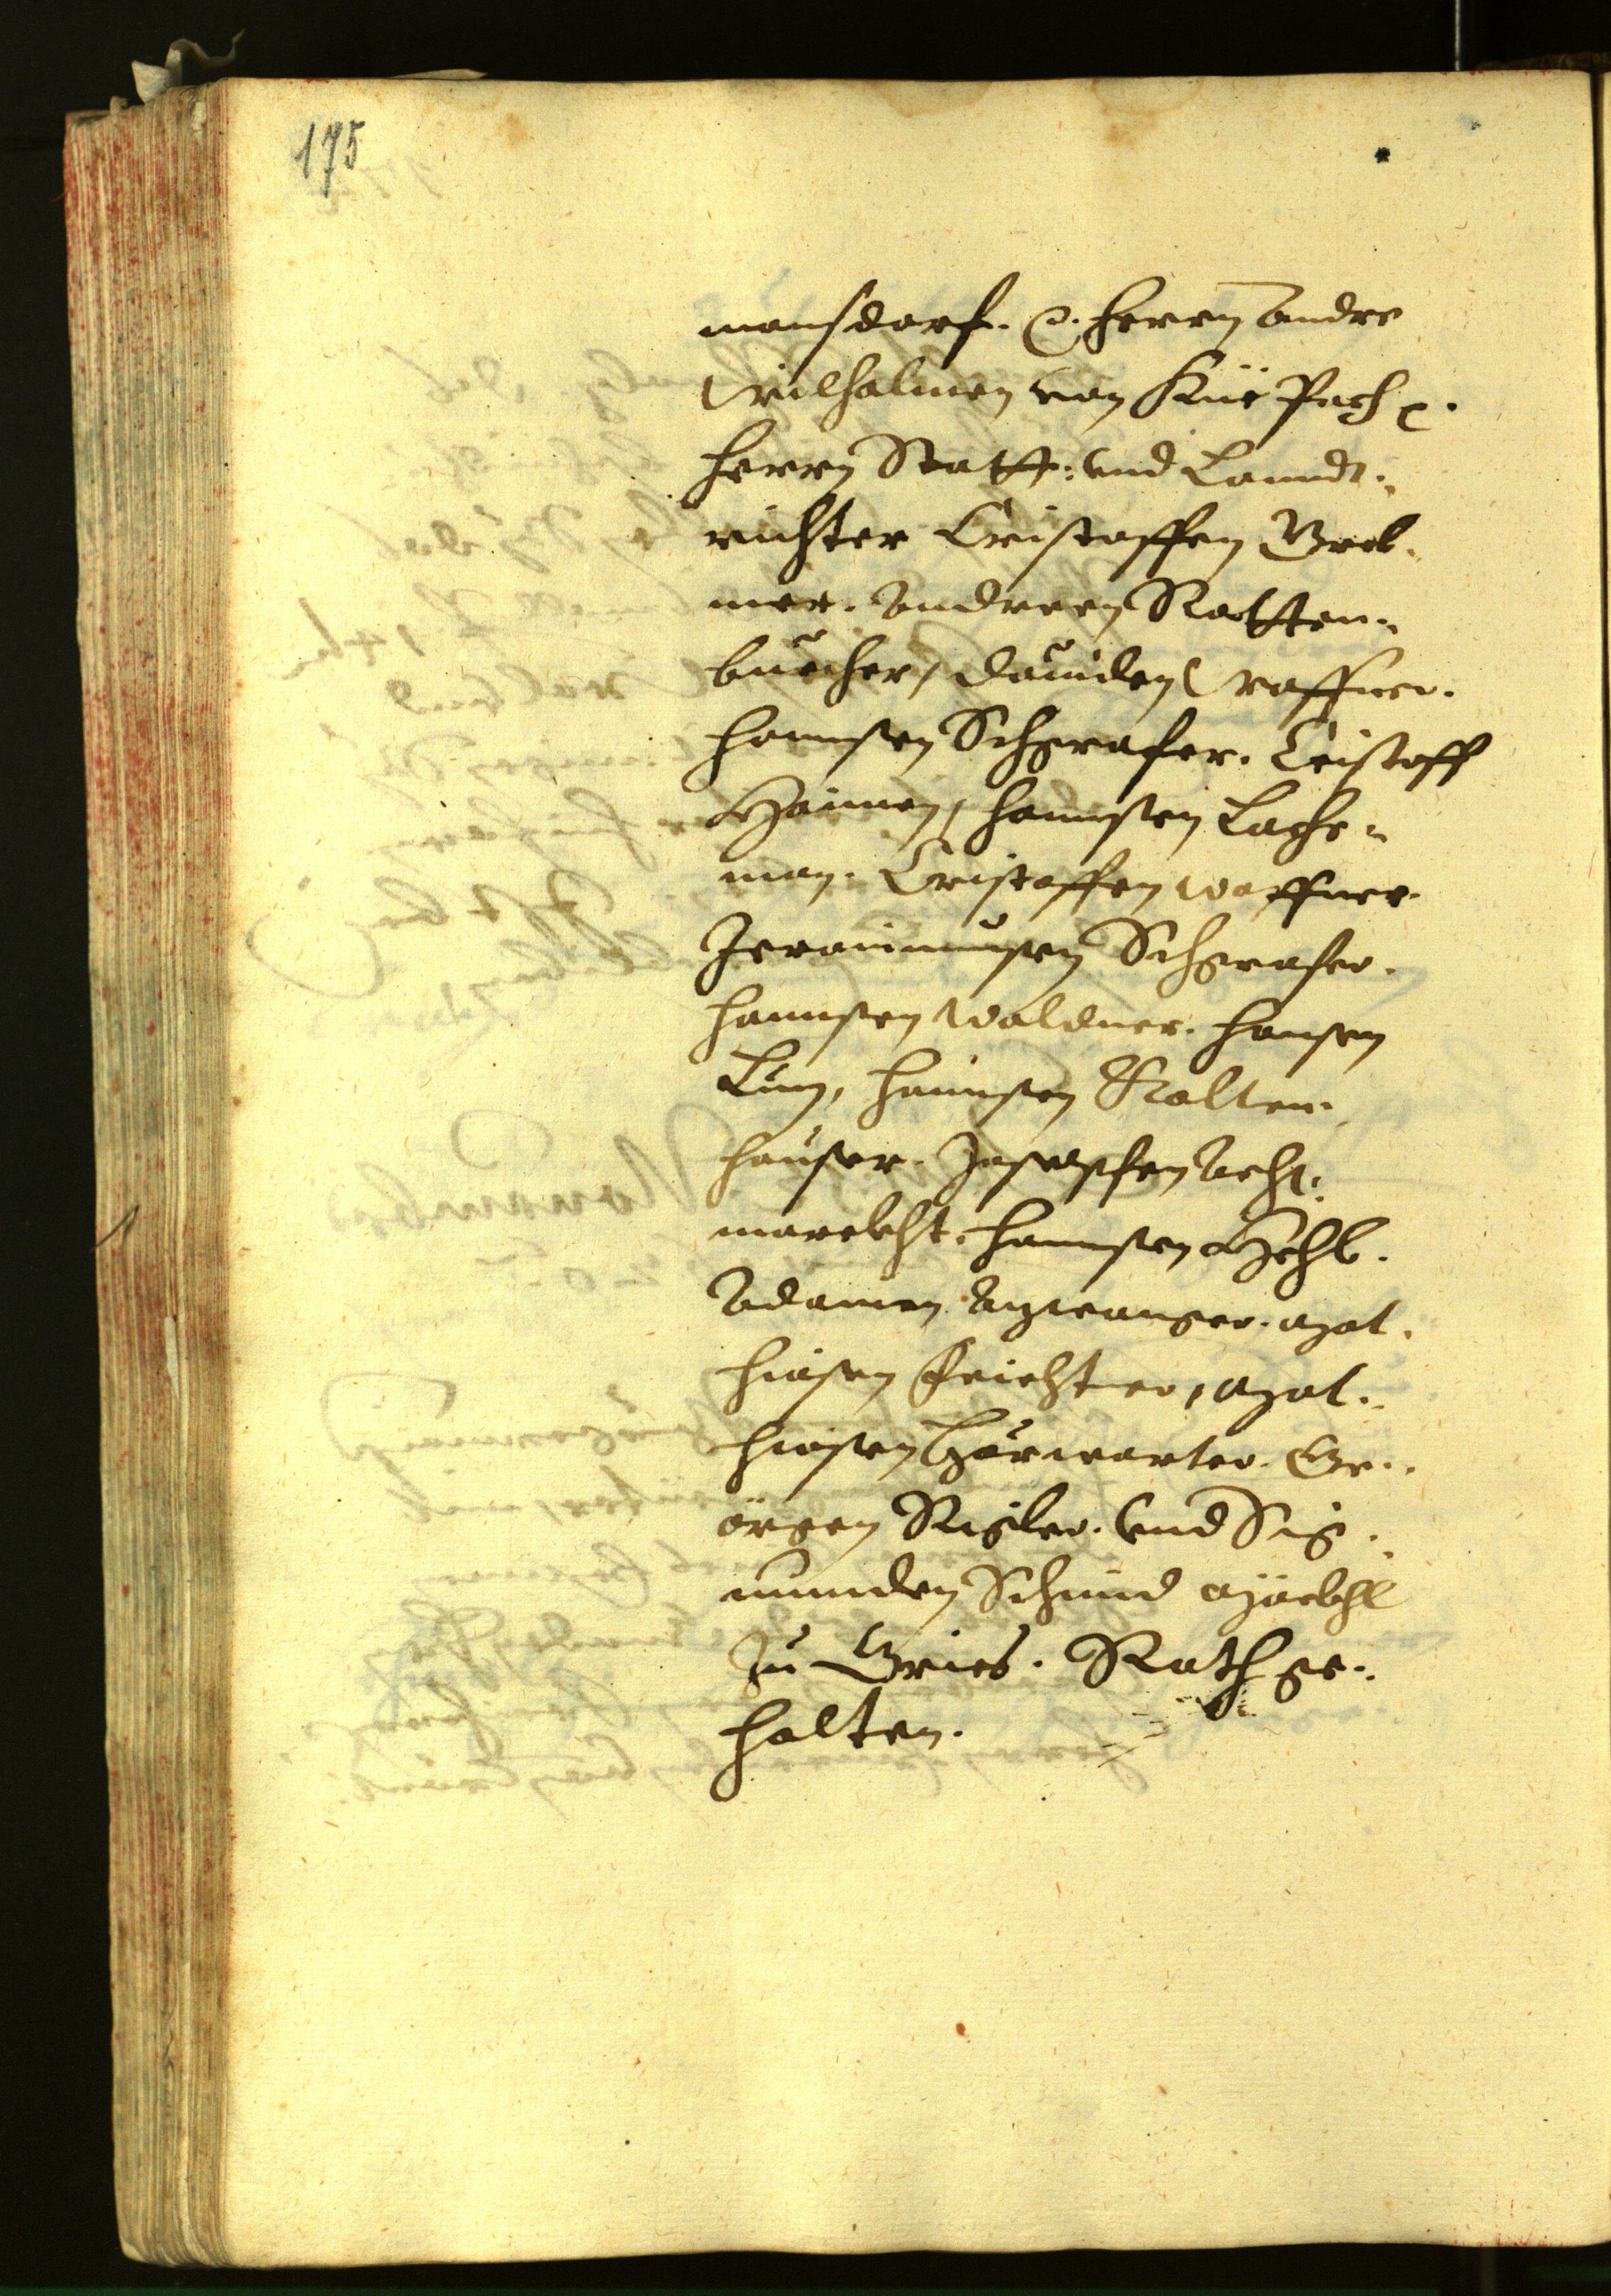175
mansdorf. etc. herrn Andre
Wilhalmen von KüePach etc.
herrn Statt: vnd Lanndt¬
richter Cristoffen Greb¬
mer. Andreen Rotten¬
būecher, Daūiden Waffner.
hannsen Schgrafer. Cristoff
Haimen, hannsen Loche¬
man. Cristoffen Waffner.
Jeronimūsen Schgrafer.
hannsen Waldner. hansen
Lūn, hannsen Kalten¬
haūser. Joseffen Acht¬
marckht. hannsen Hehl.
Adamen Azwannger. Mat¬
hiasen Feichtner, Mat¬
hiasen Hōrwarter. Ge¬
örgen Rigler. vnd Sig¬
mūnden Schmid Mäckhl
Zū Gries. Rath ge¬
halten.